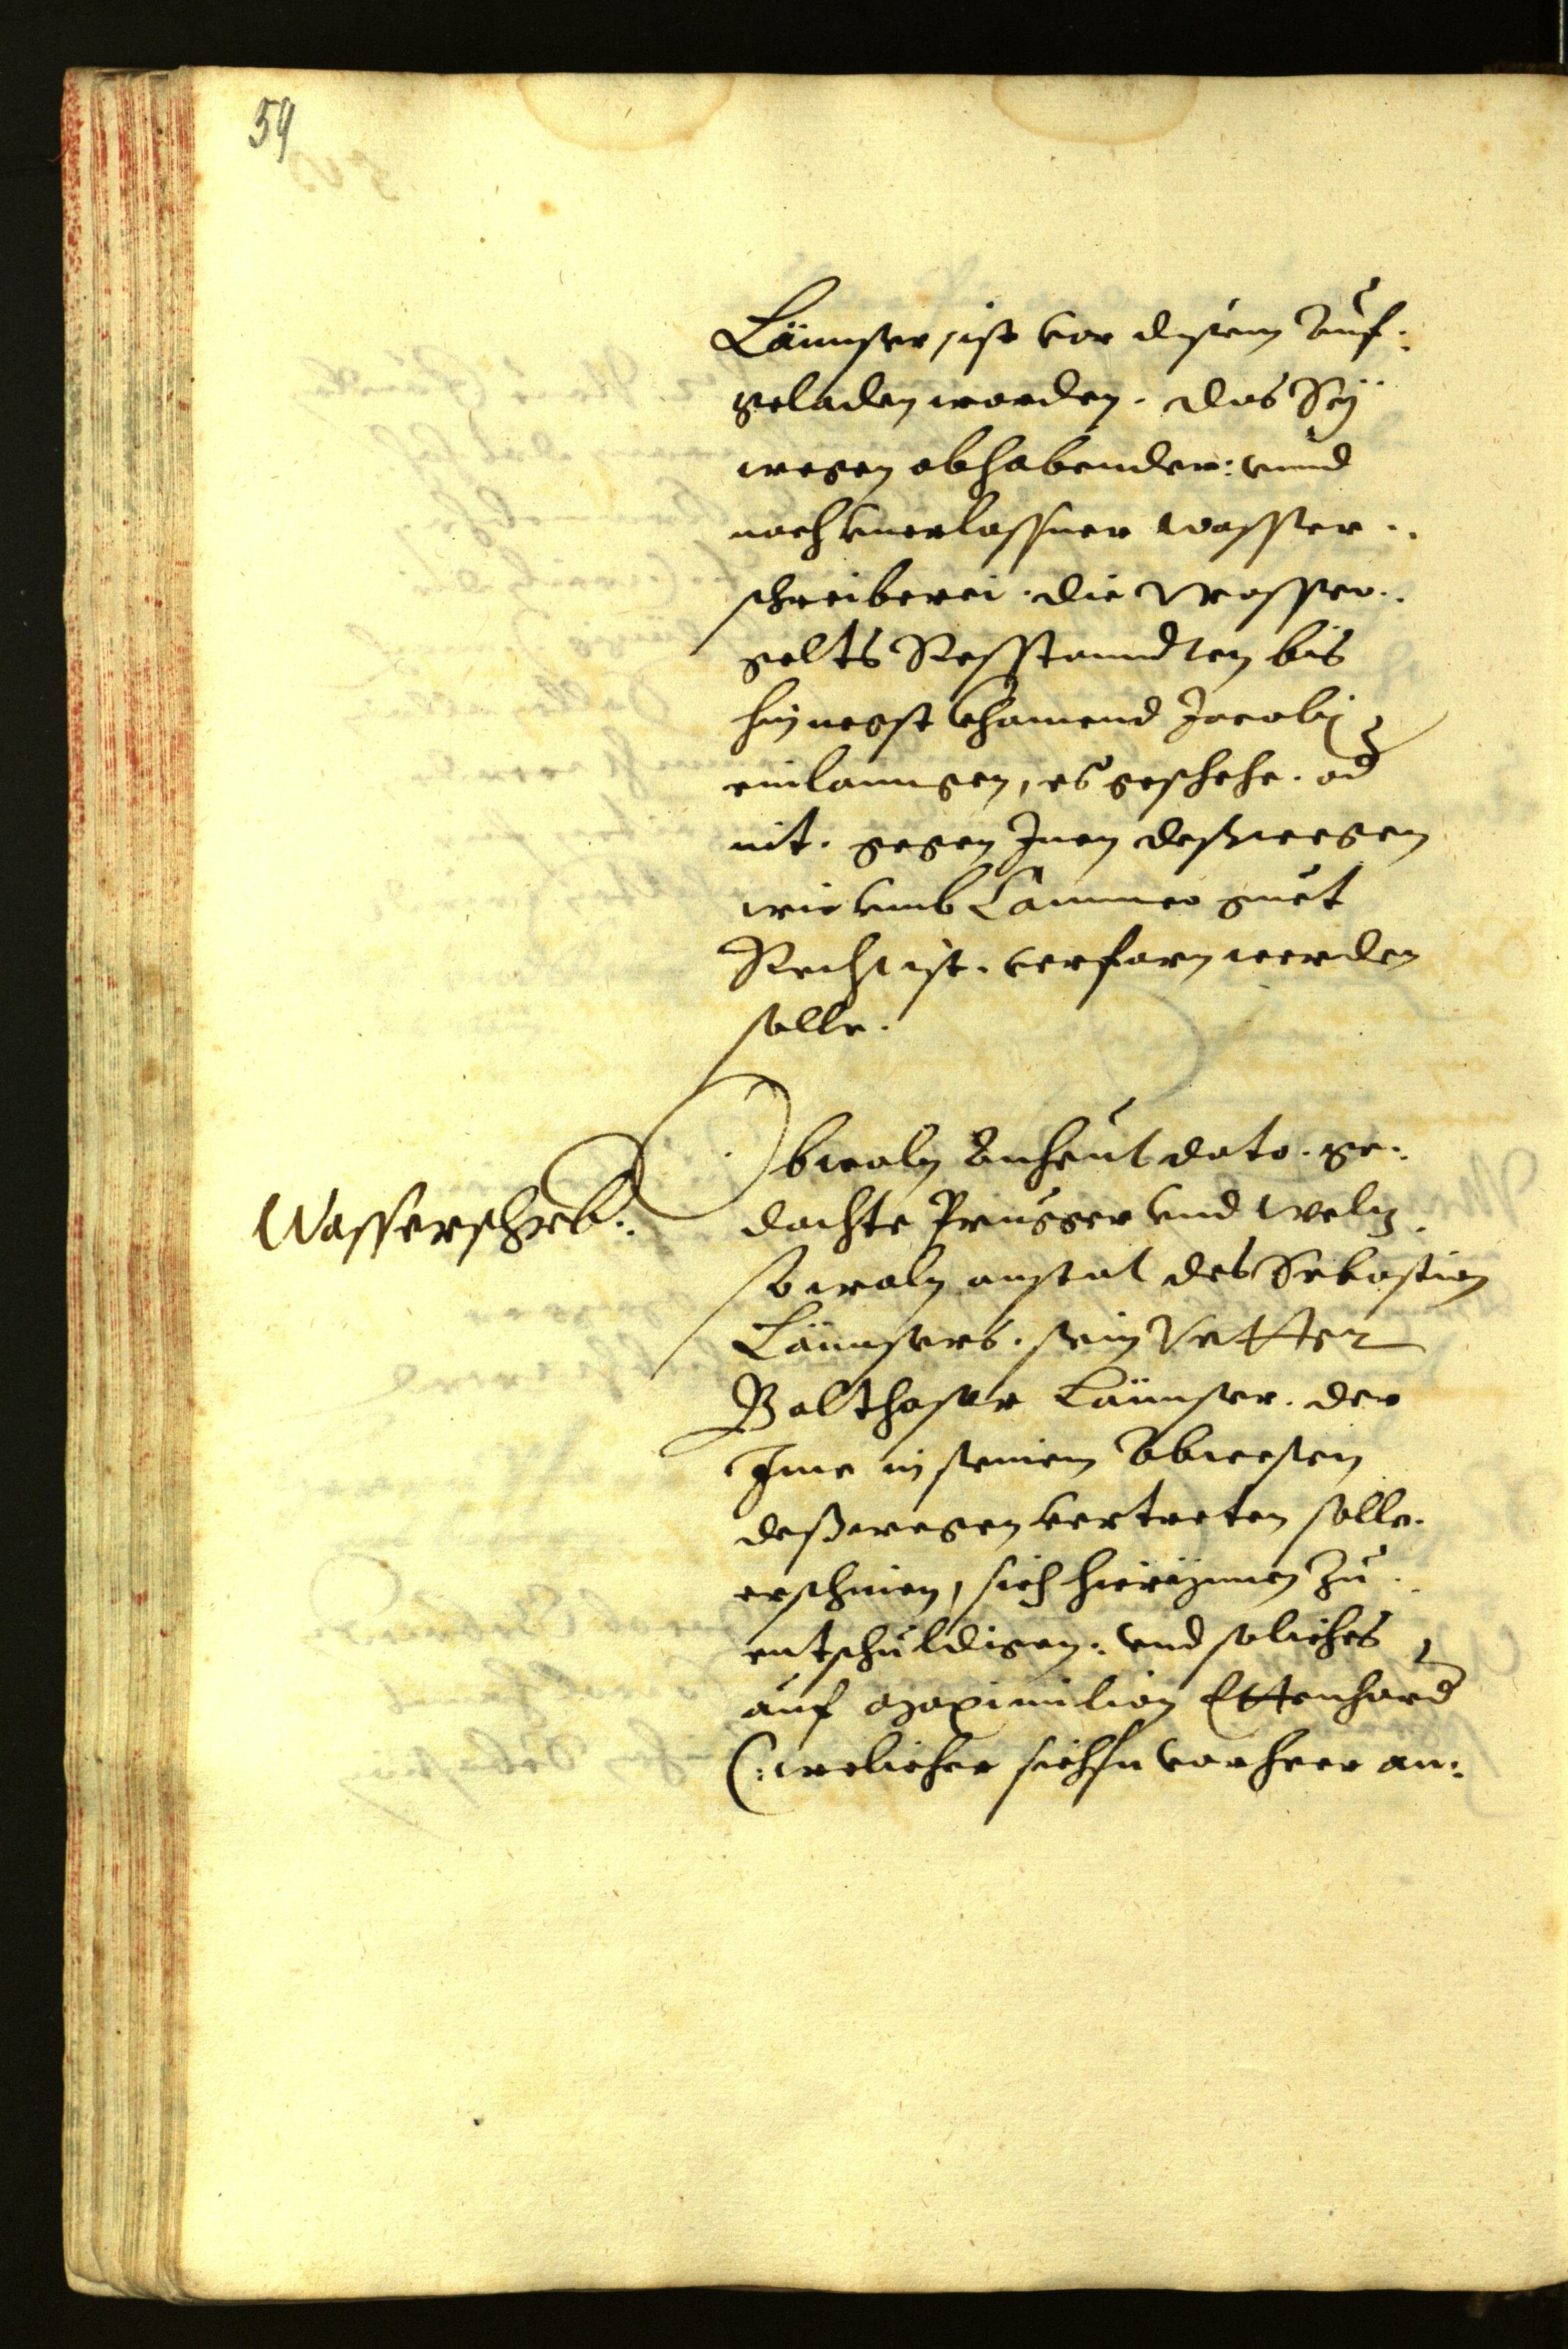59
Lännser, ist vor disem Aūf¬
geladen worden. das Sÿ
wegen obhabender: vnnd
nach verlassner Wasser¬
schreiberei. die Wasser¬
gelts Resstanndten bis
hin negst khomend Jacobj
einlanngen, es geschehe. od
nit. gegen Inen deßwegen
wie vmb Cammer gūet
Recht ist. verfarn werden
solle.
Obwoln Anheūt dato. ge¬
dachte Prūgger vnd Welz.
so woln anstat des Sebastian
Lännsers. sein Vetter
Balthasar Lännser. der
Ime in seinem Abwesen
deßwegen vertreten solle.
erschinen, sich hierÿnnen Zū¬
entschūldigen: vnd soliches
aūf Maximilian Ettenhard
(: welicher sich In vorhero an¬
Wasserschreib.